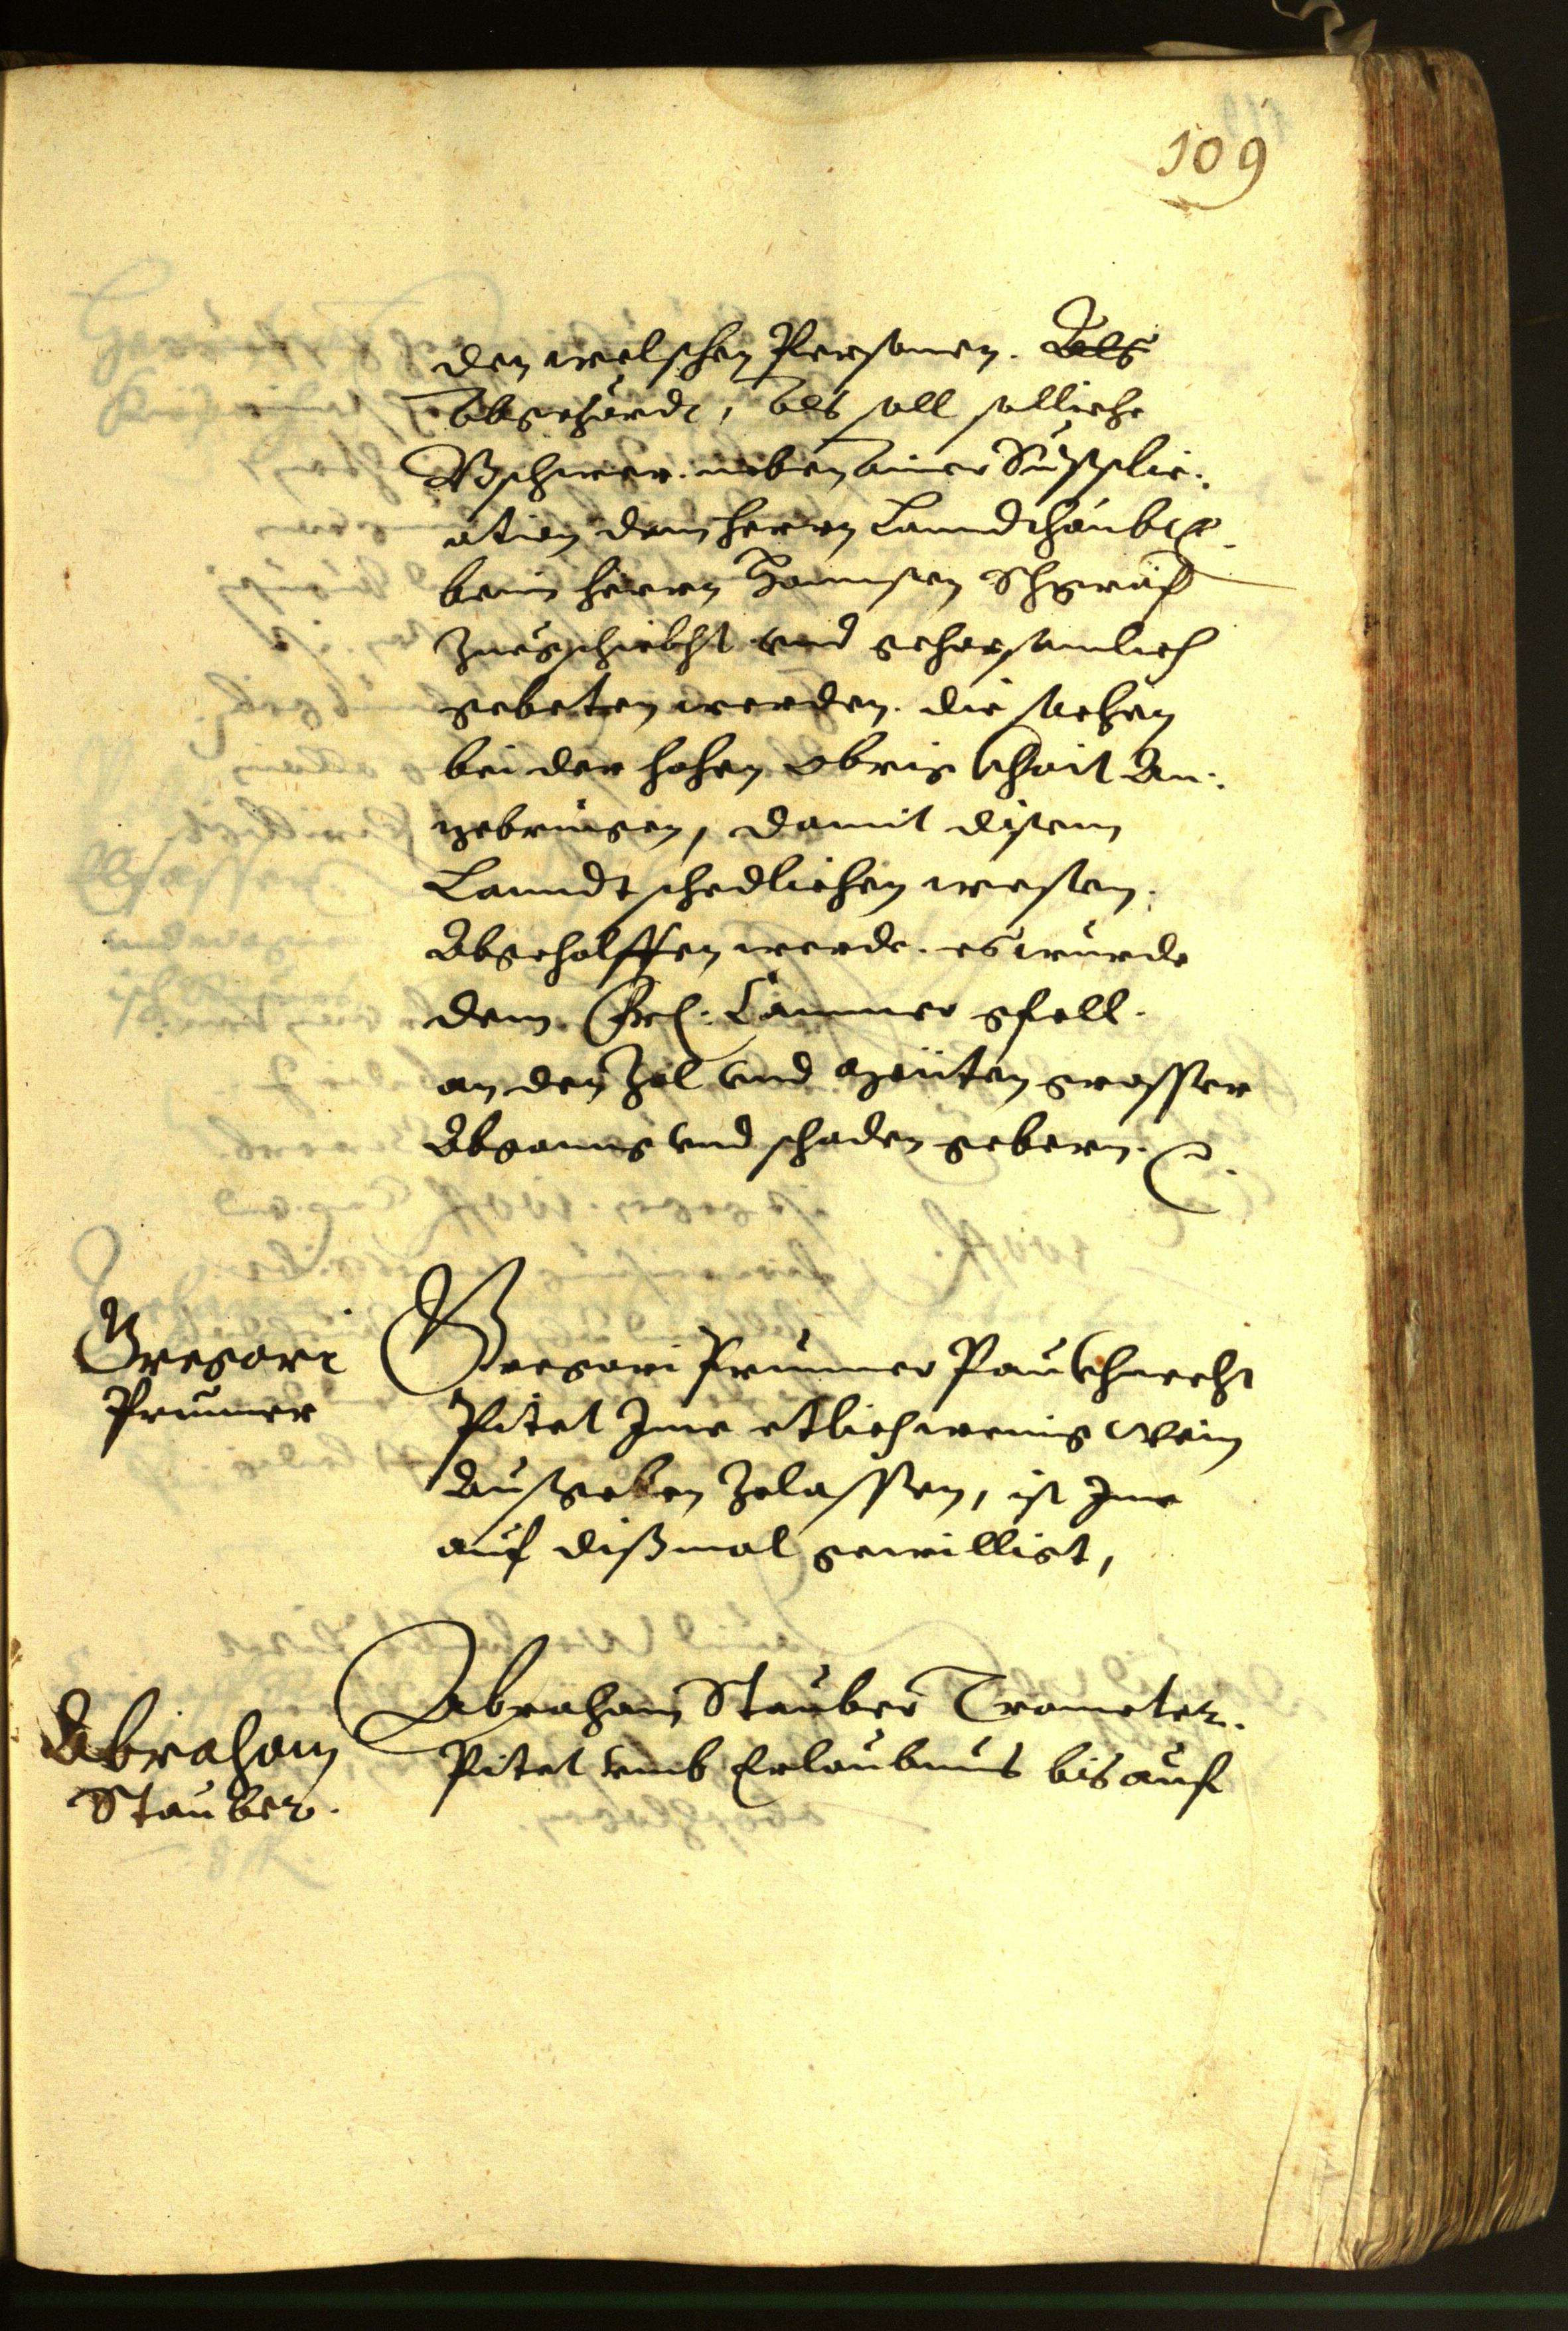109
den welschen Personen. Als
Abgehōrdt, Als soll solliche
Bschwer. neben Ainer SūPplic¬
ation dem herrn Lanndthaūbt.
beim Herrn Hannsen Schgraf
Zūegschickht. vnd gehorsamlich
gebeten werden. die sachen
bei der hohen obrigkhait An¬
zebringen, damit disem
Lanndtschedlichen wesen
Abgeholffen werde. es wūrde
dem Frl: Cammer gfell.
an den Zal vnd Meüten grosser
Abganng vnd schaden gebern. etc.
Gregori Prūnner Paūkhnecht
Pitet Ime etlich wenig Wein
Aūsgeben Zelassen, ist Ime
aūf dißmal gewilligt,
Gregori
Prūnner
Abraham Staūber Trometer.
Pitet vmb Erlaūbnūs bis aūf
Abraham
Staūber.